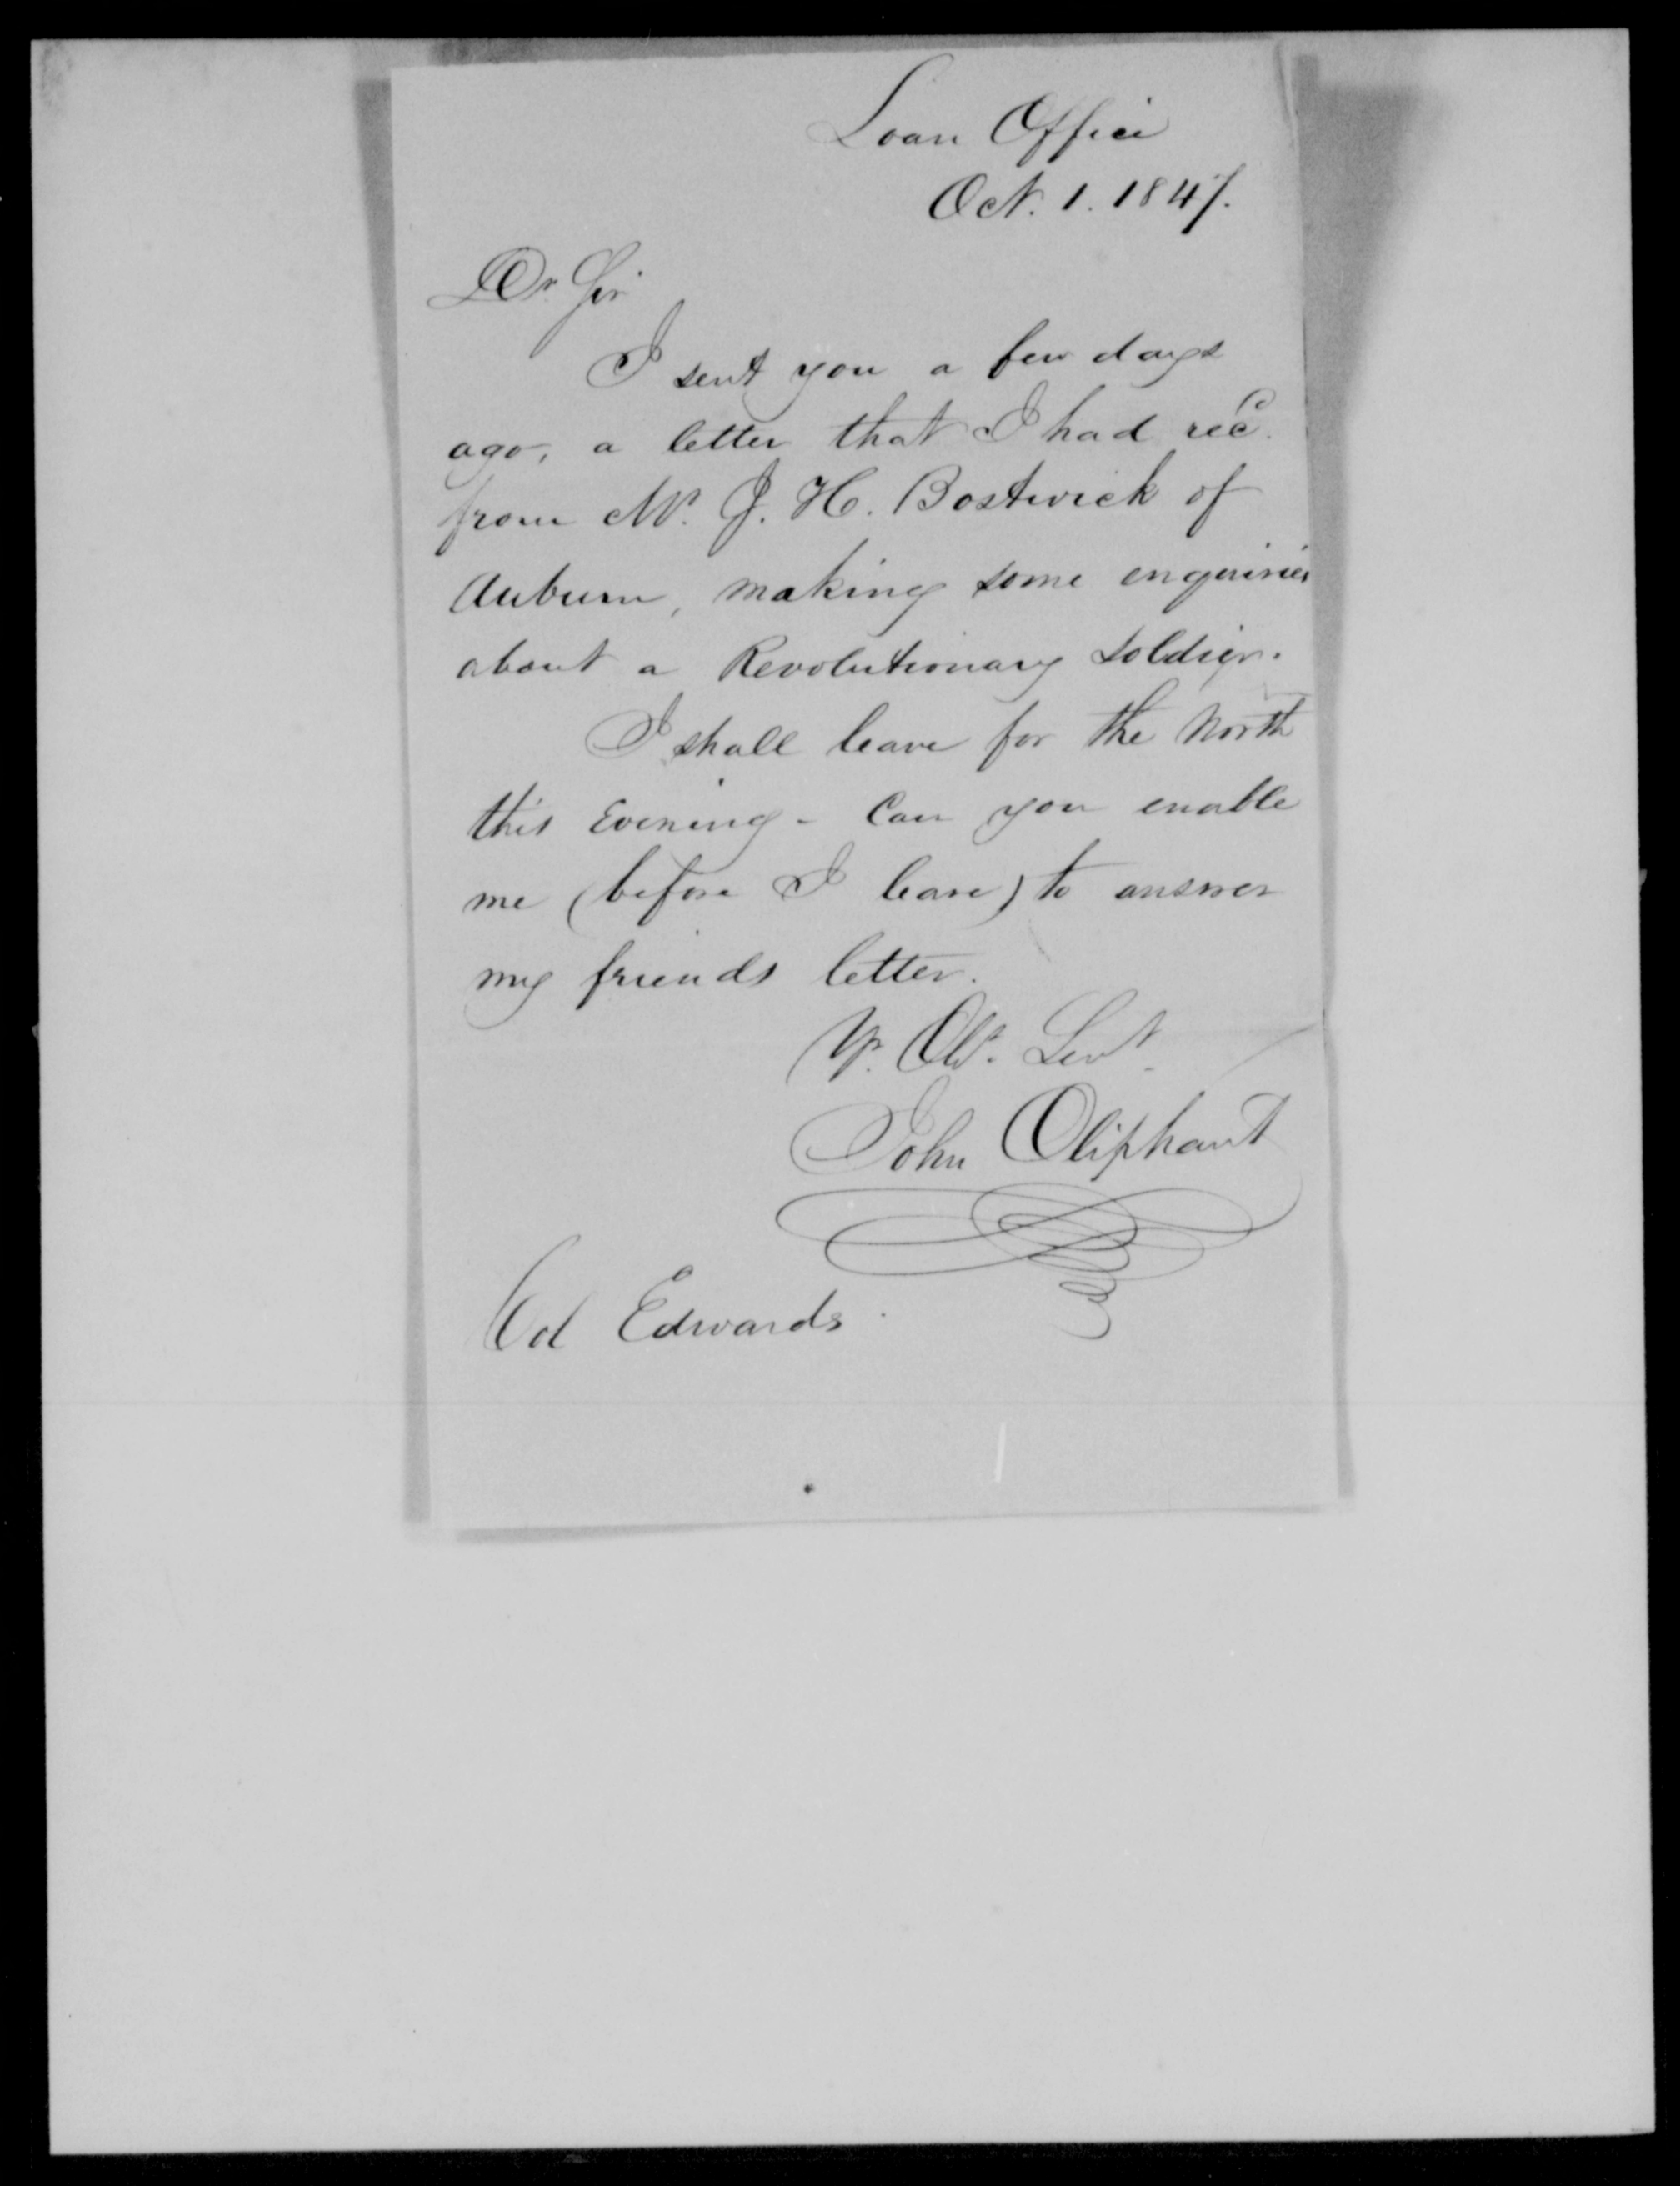Loan Office Oct. 1. 1847

Dr Sir

I sent you a few days ago, a letter that I had rec.d from Mr. J.H. Bostwick of Auburn, making some enquiries about a Revolutionary Soldier.

I shall leave for the north this evening. Can you enable me (before I leave) to answer my friends letter.

Yr. Obt. Servt
John Oliphant

Co. Edwards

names: Edwards, J H Bostwick, John Oliphant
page: 52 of 63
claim: widow's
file: W. 18403, David White, Conn.